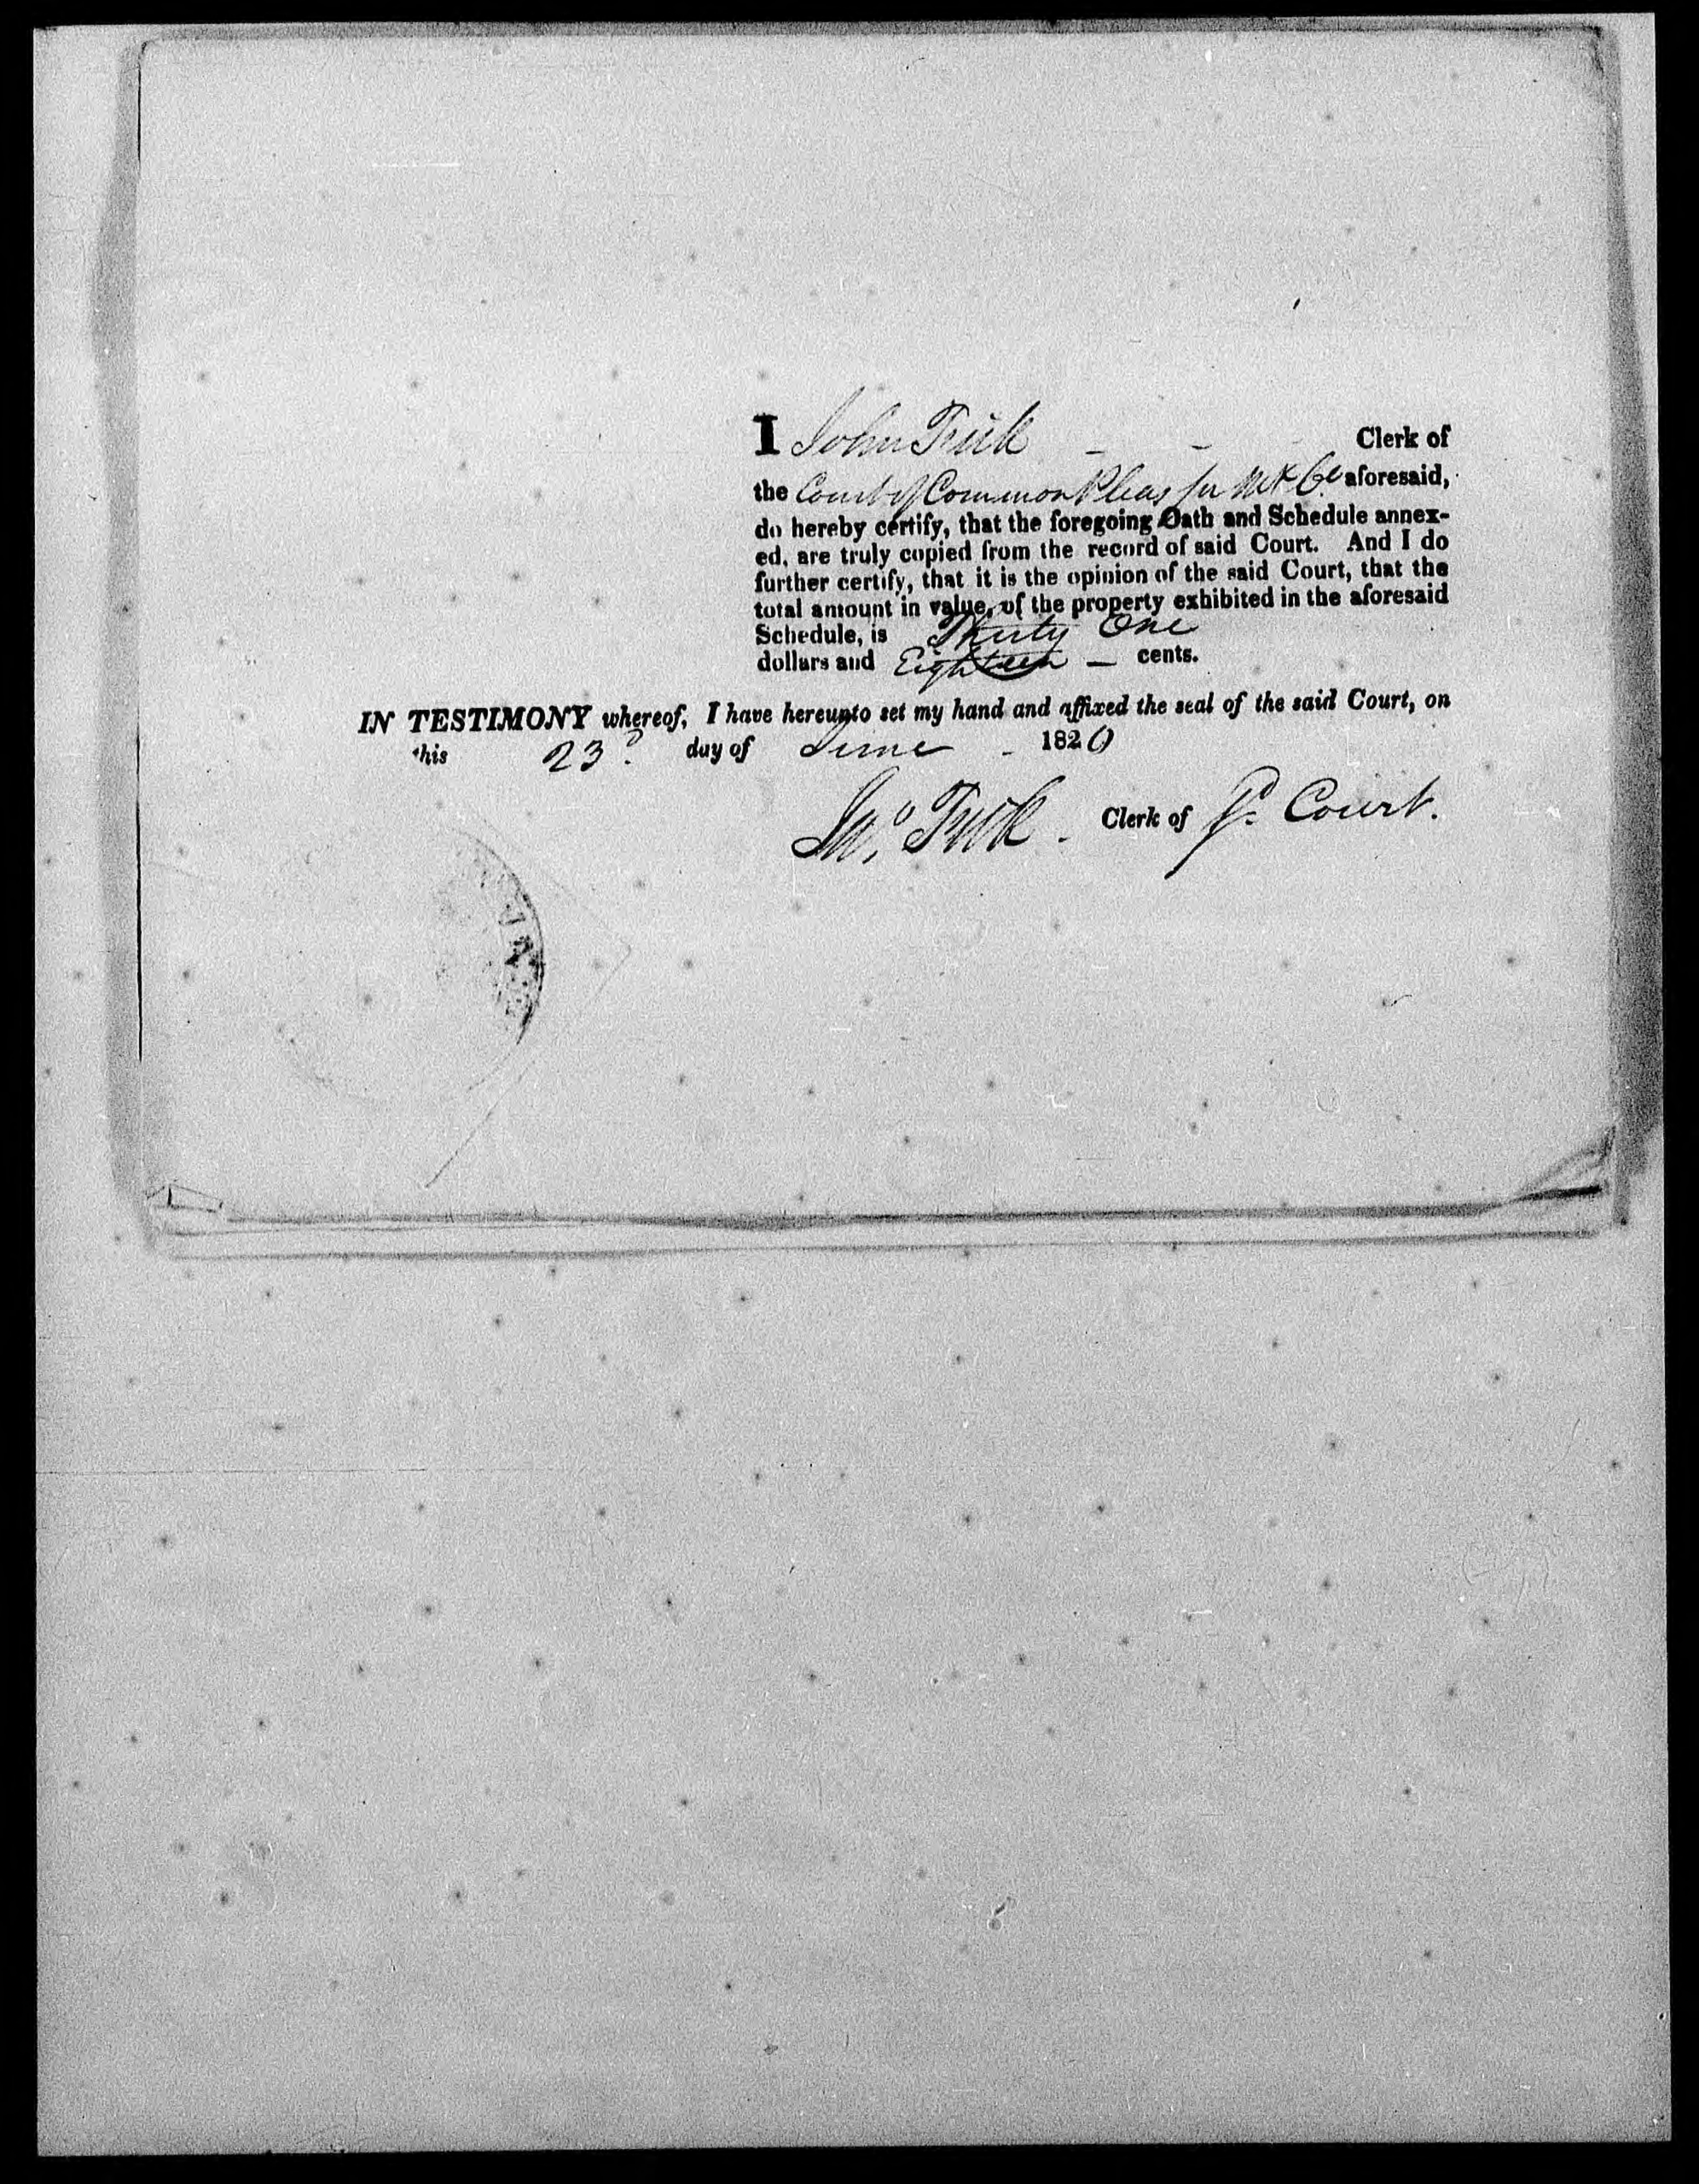I John Fisk Clerk of the Court of Common Pleas for Mx Co aforesaid do hereby certify, that the foregoing oath and Schedule annexed, are truly copied from the record of said Court. And I do further certify, that it is the opinion of the said Court, that the total amount in value of the property exhibited in the aforesaid Schedule is Thirty One dollars and Eighteen cents. 
IN TESTIMONY whereof, I have hereunto set my hand and affixed the seal of the said Court on this 23d  day of June 1820  
Jno Fisk Clerk of Court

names: John Fisk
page: 7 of 21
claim: survivor's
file: S. 36676, for Benjamin Kelsey, Connecticut